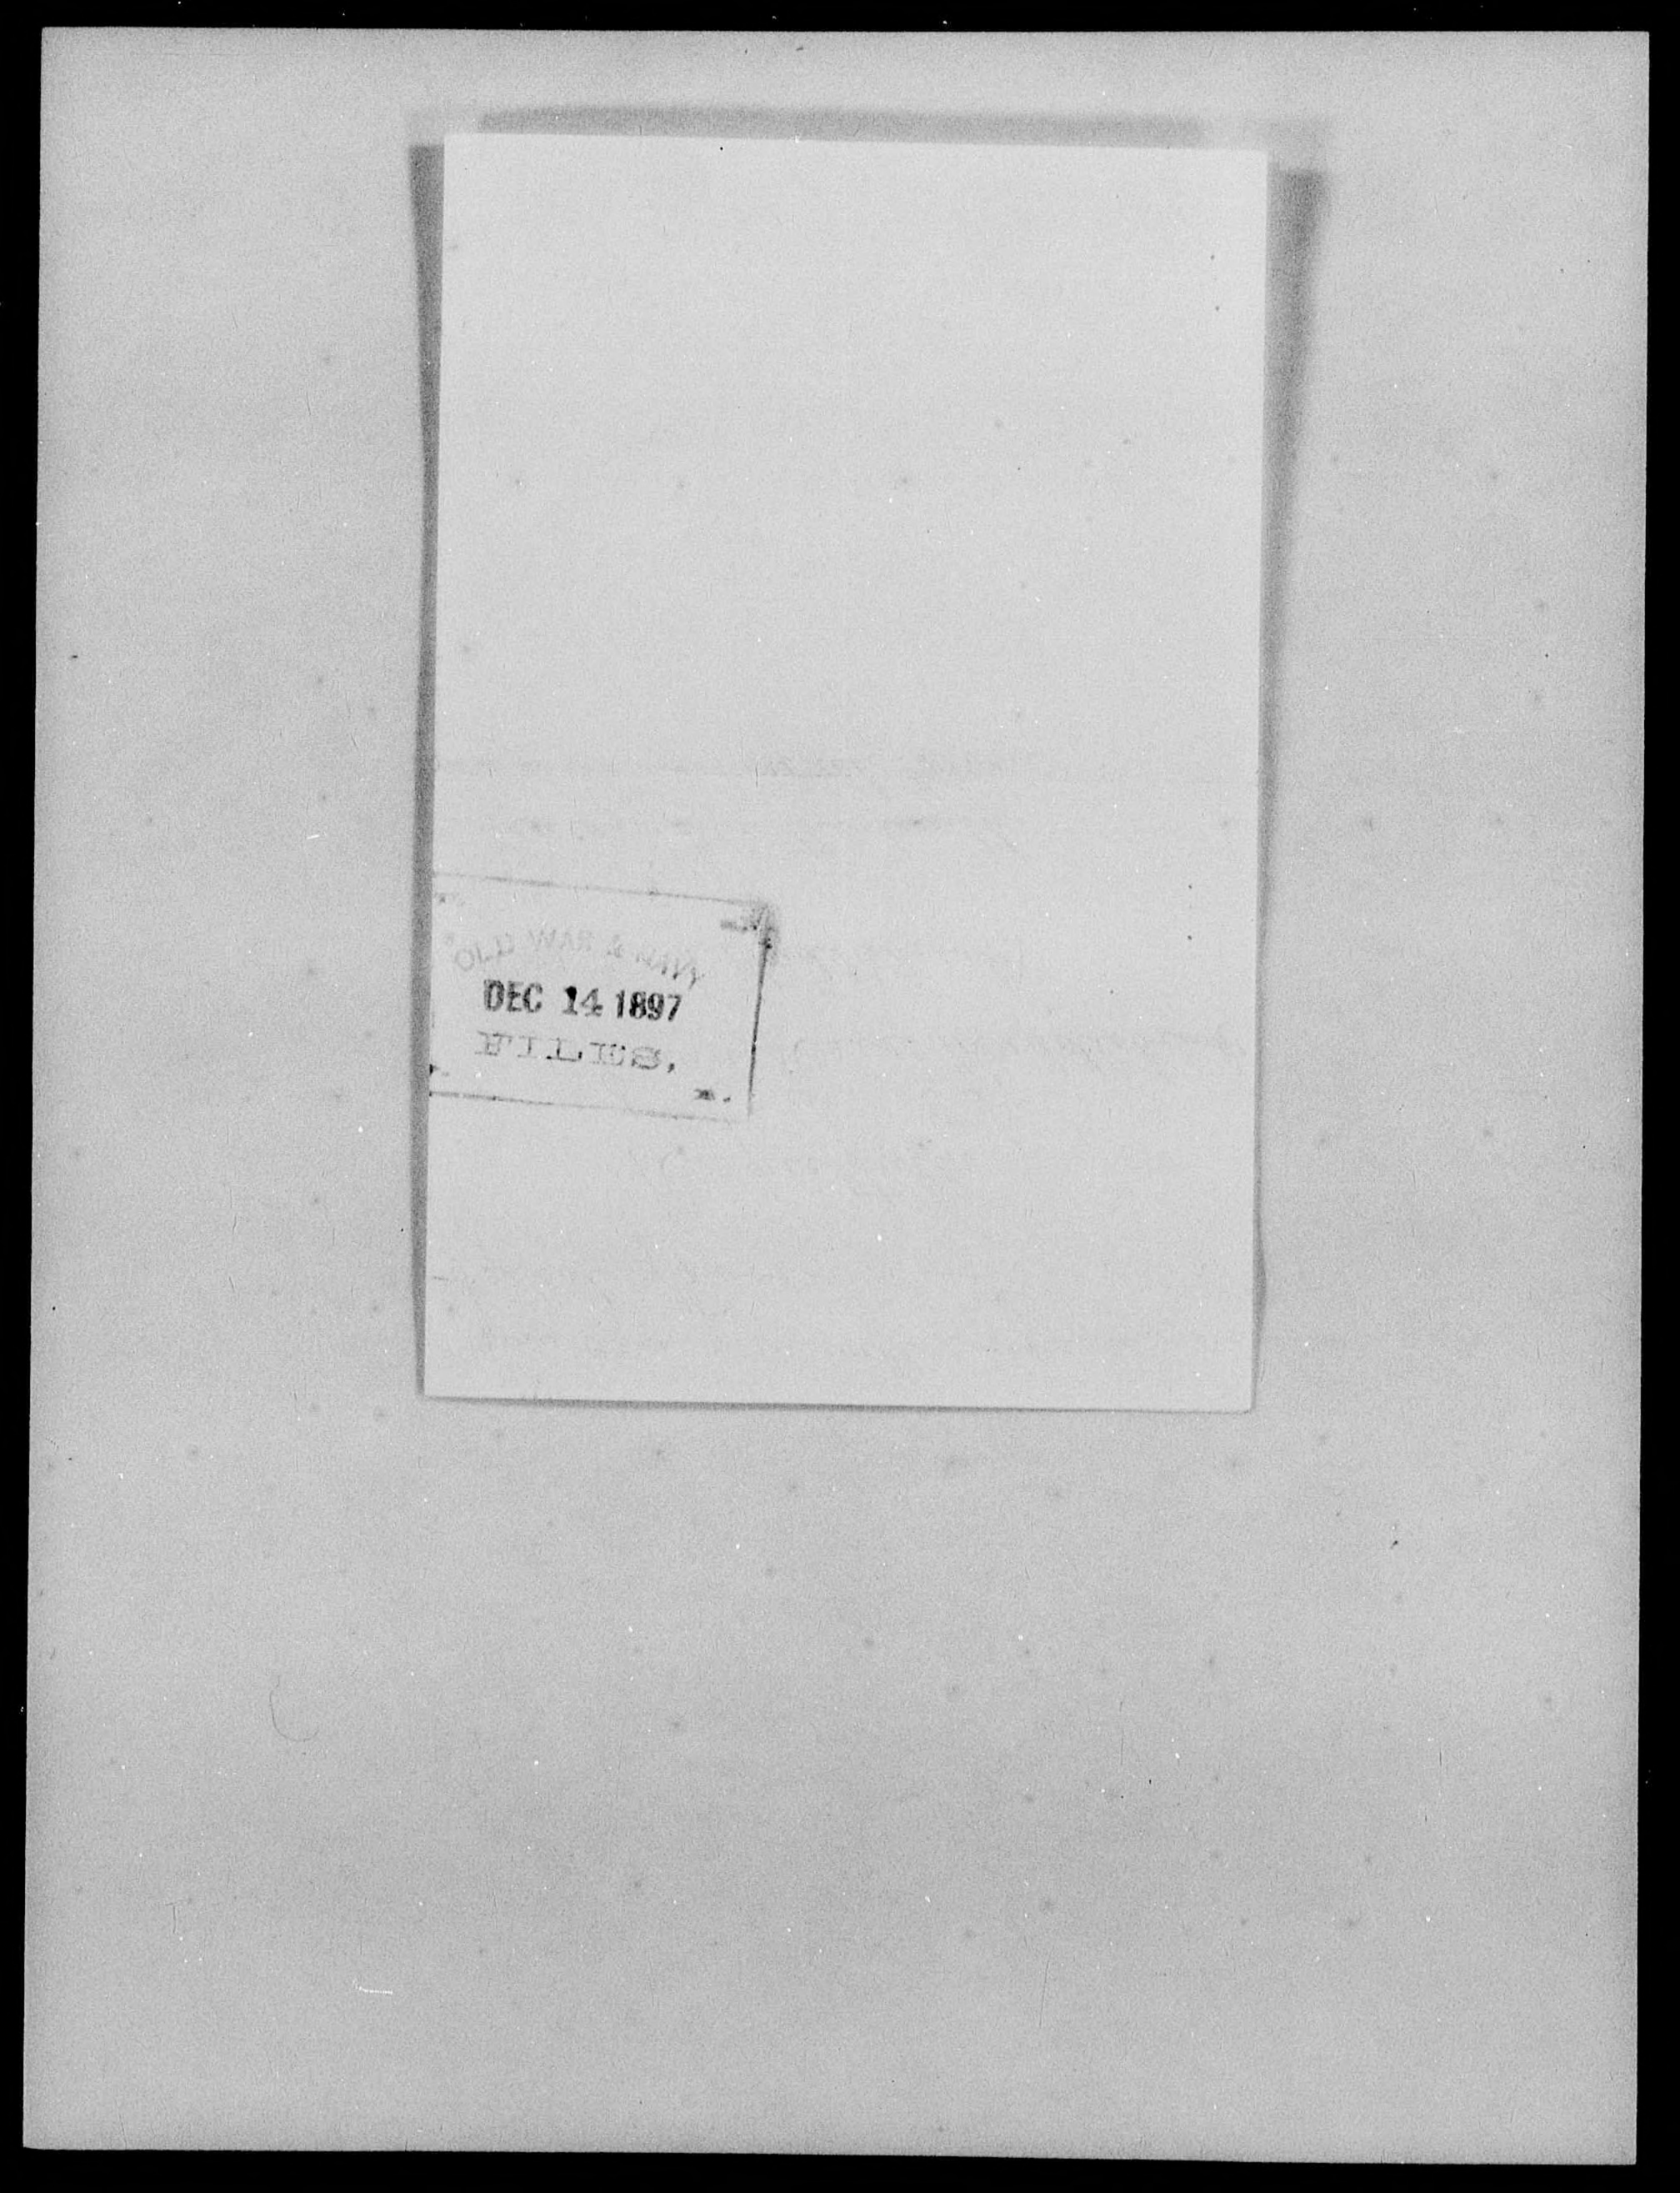[A stamp or tag attached to property or file boxes]

OLD WAR & NAVY
Dec 14 1897
FILES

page: 18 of 23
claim: survivor's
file: S 42891, for Isaac Lockwood, New York